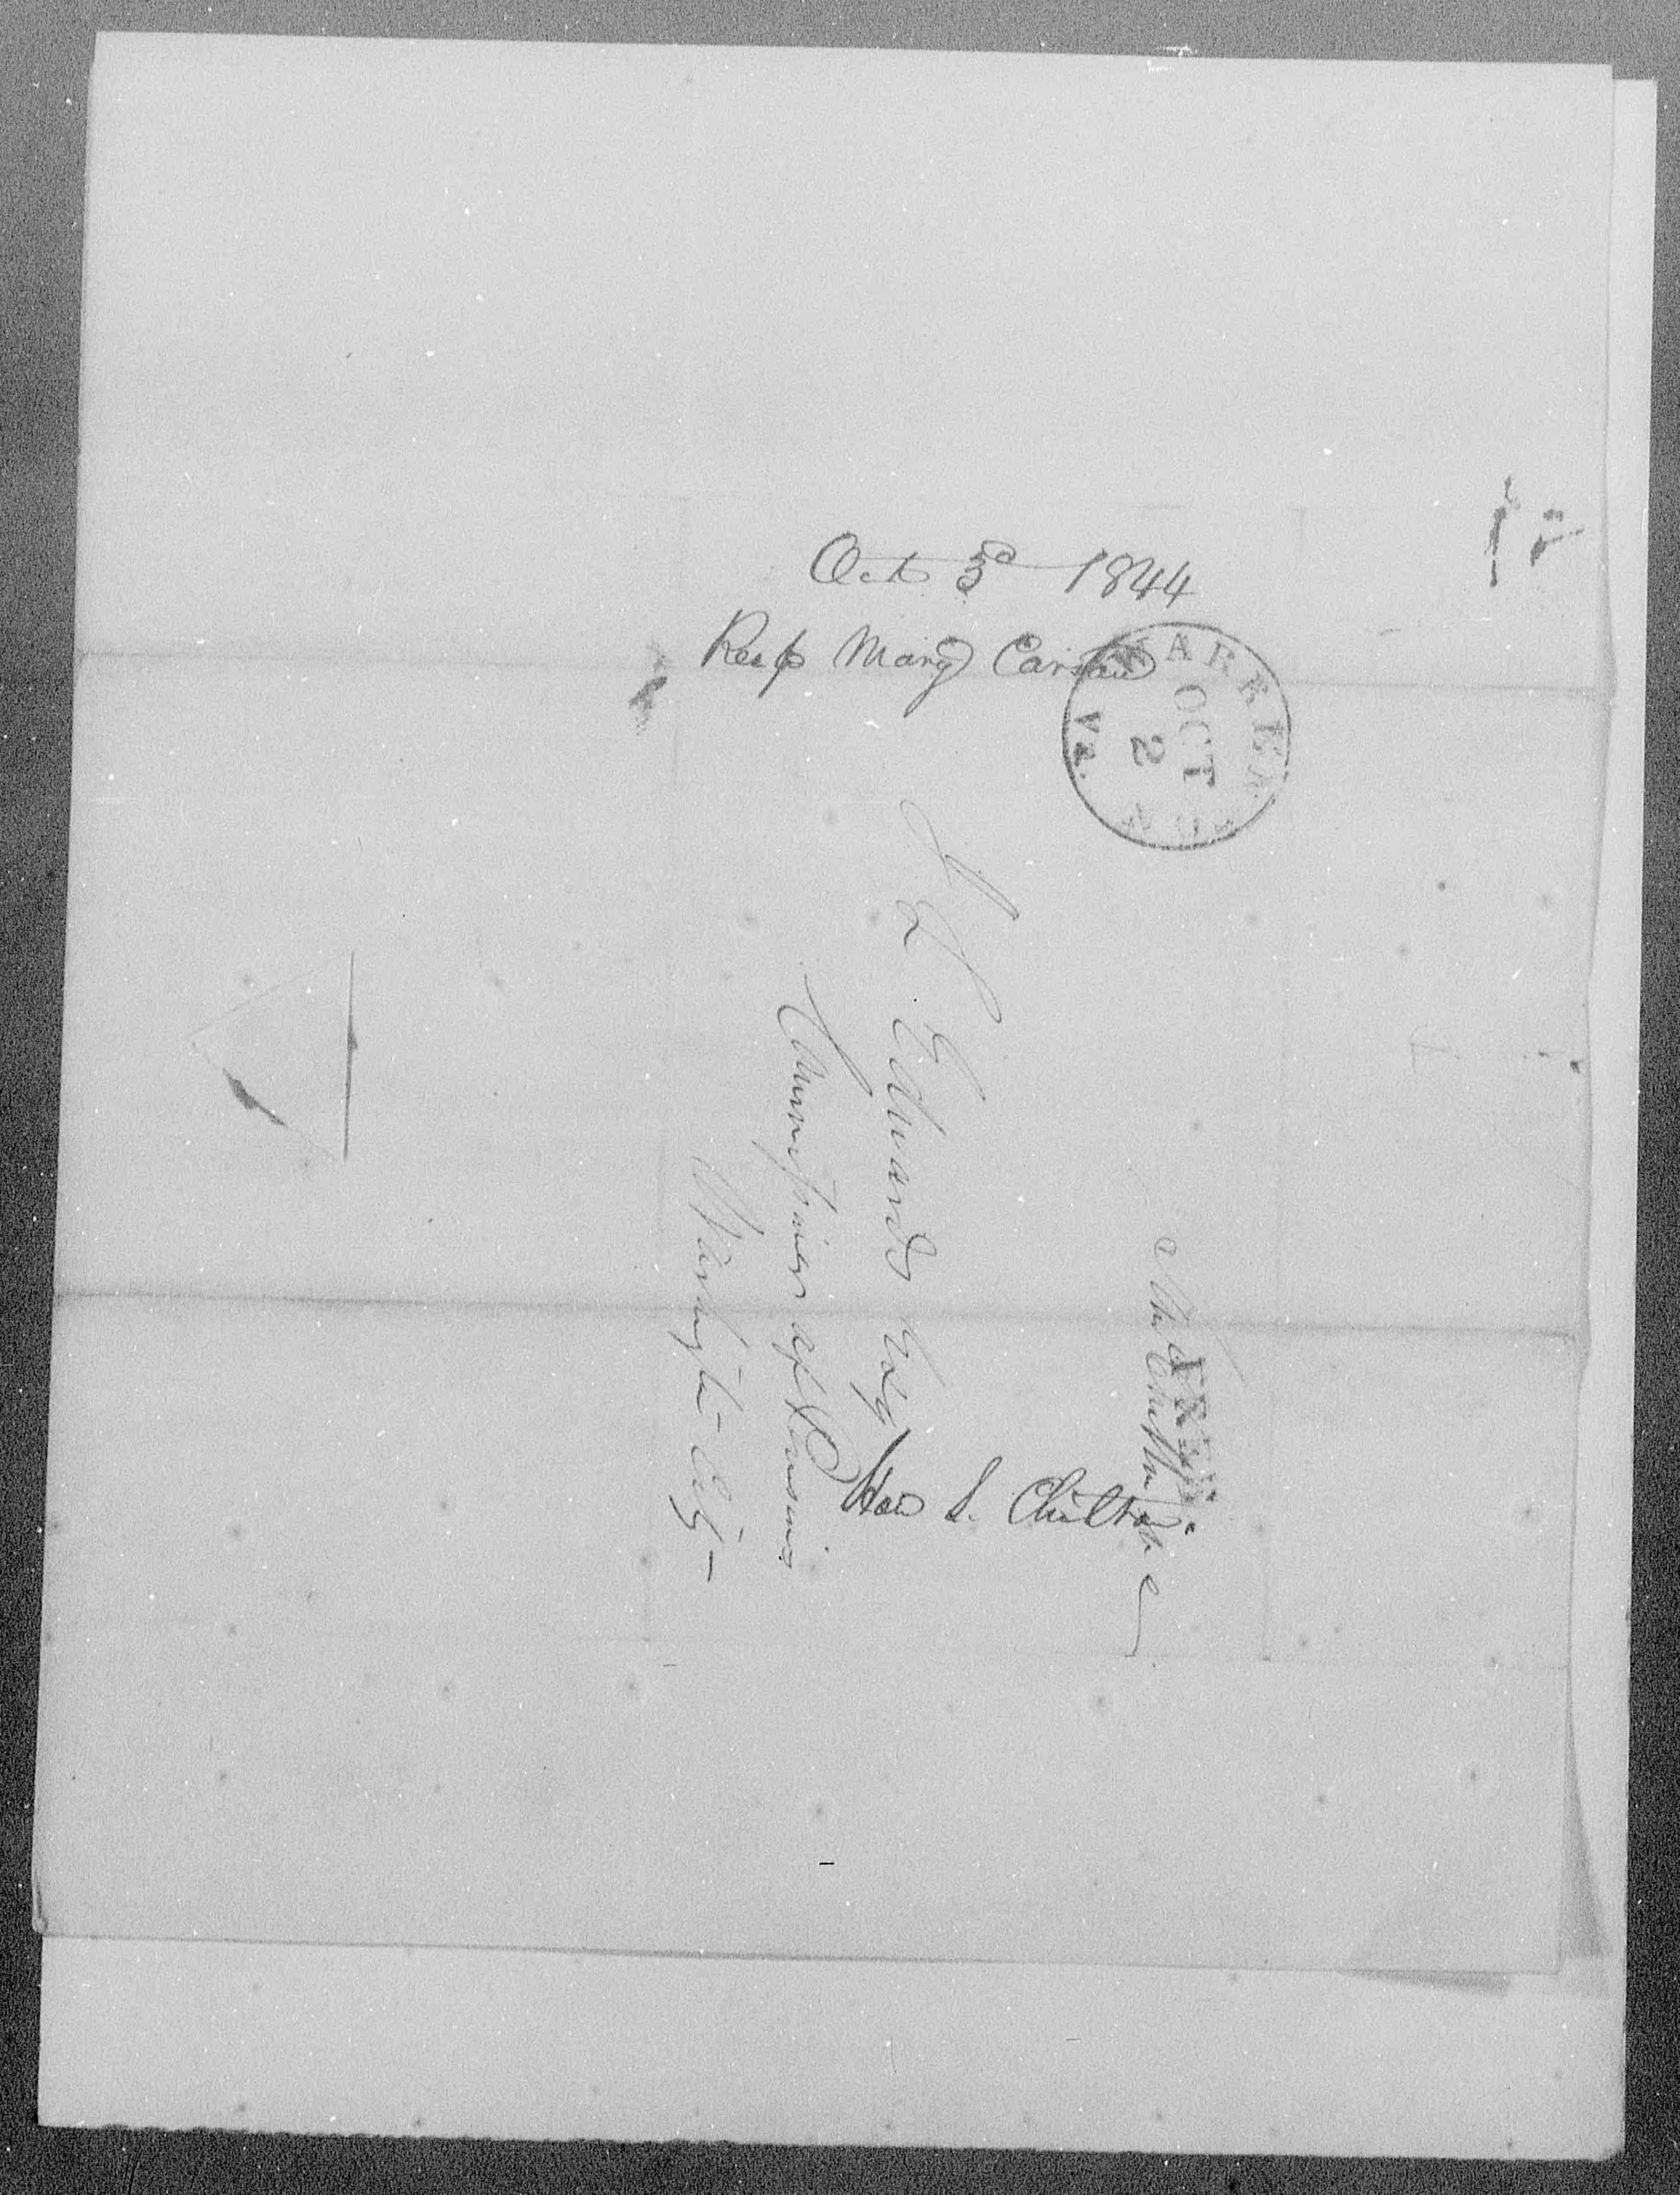Oct 3rd 1844
Resp Mary Carson

Hon. S. Chilton

[stamp]
WARRENTON VA. OCT 2
[stamp]
FREE

J L Edwards Esq
Commissioner of Pensions
Washington City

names: J L Edwards, Mary Carson, S Chilton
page: 15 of 34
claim: rejected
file: R. 1,738, Walter Carson, N.C. S.C.